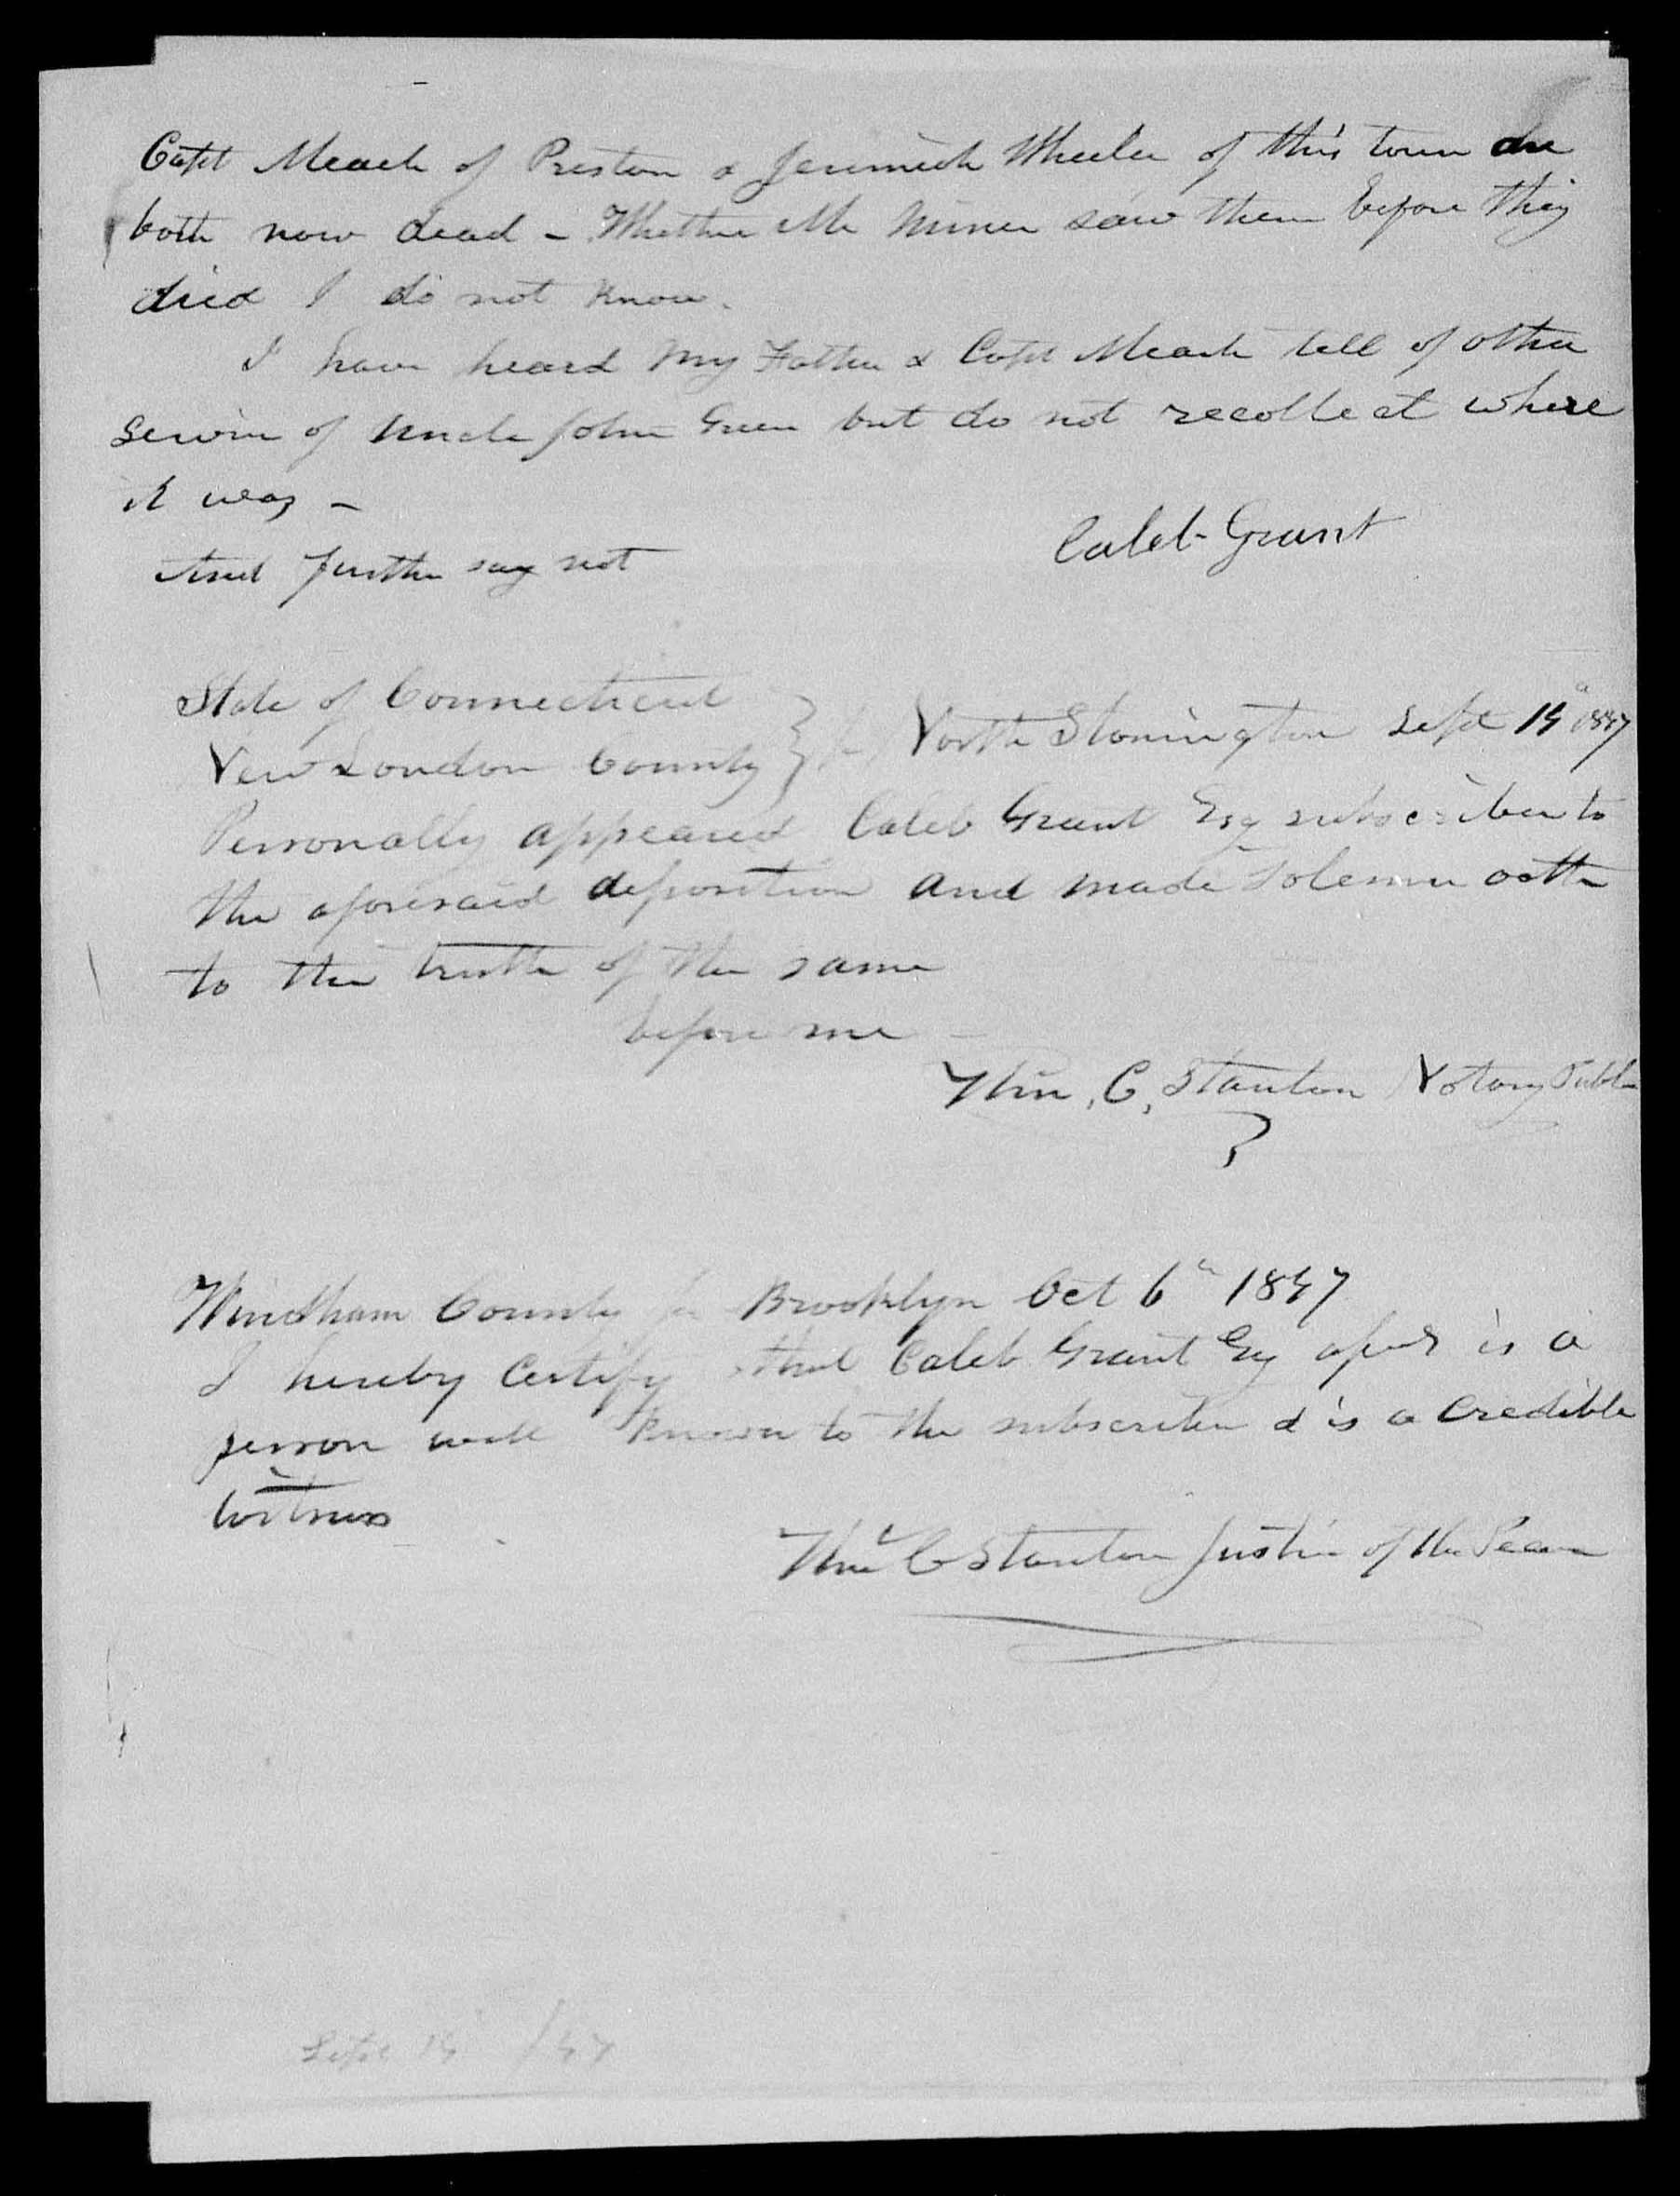Capt Meach of Preston and Jeremiah Wheeler of this  town are both now dead. Whether Mr. Miner saw them before they died I do not know. 
I have heard my father and Capt Meach tell of other service of uncle John Green but do not recollect where it was.
[trust?] further say not
[signed Caleb Grant]

State of Connecticut
New London County - North Stonington Sept 14 1887
Personally appeared Caleb Grant [not legible] to the aforesaid deposition and made solemn oath to the truth of the same
before me -
[signed Wm. C. Stanton Notary Public]

Windham County Brooklyn Oct 6th 1887
I hereby certify that Caleb Grant [Ey? - not legible] is a person with [not legible] to the subscriber and is a credible witness.
[signed Wm. C. Stanton Justice of the Peace]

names: Wm C Stanton, Jeremiah Wheeler, Caleb Grant, Caleb Grant, Meach, John Green, Meach, Caleb Grant, Miner, Wm C Stanton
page: 9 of 40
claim: rejected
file: R. 4251, John Green, Conn.